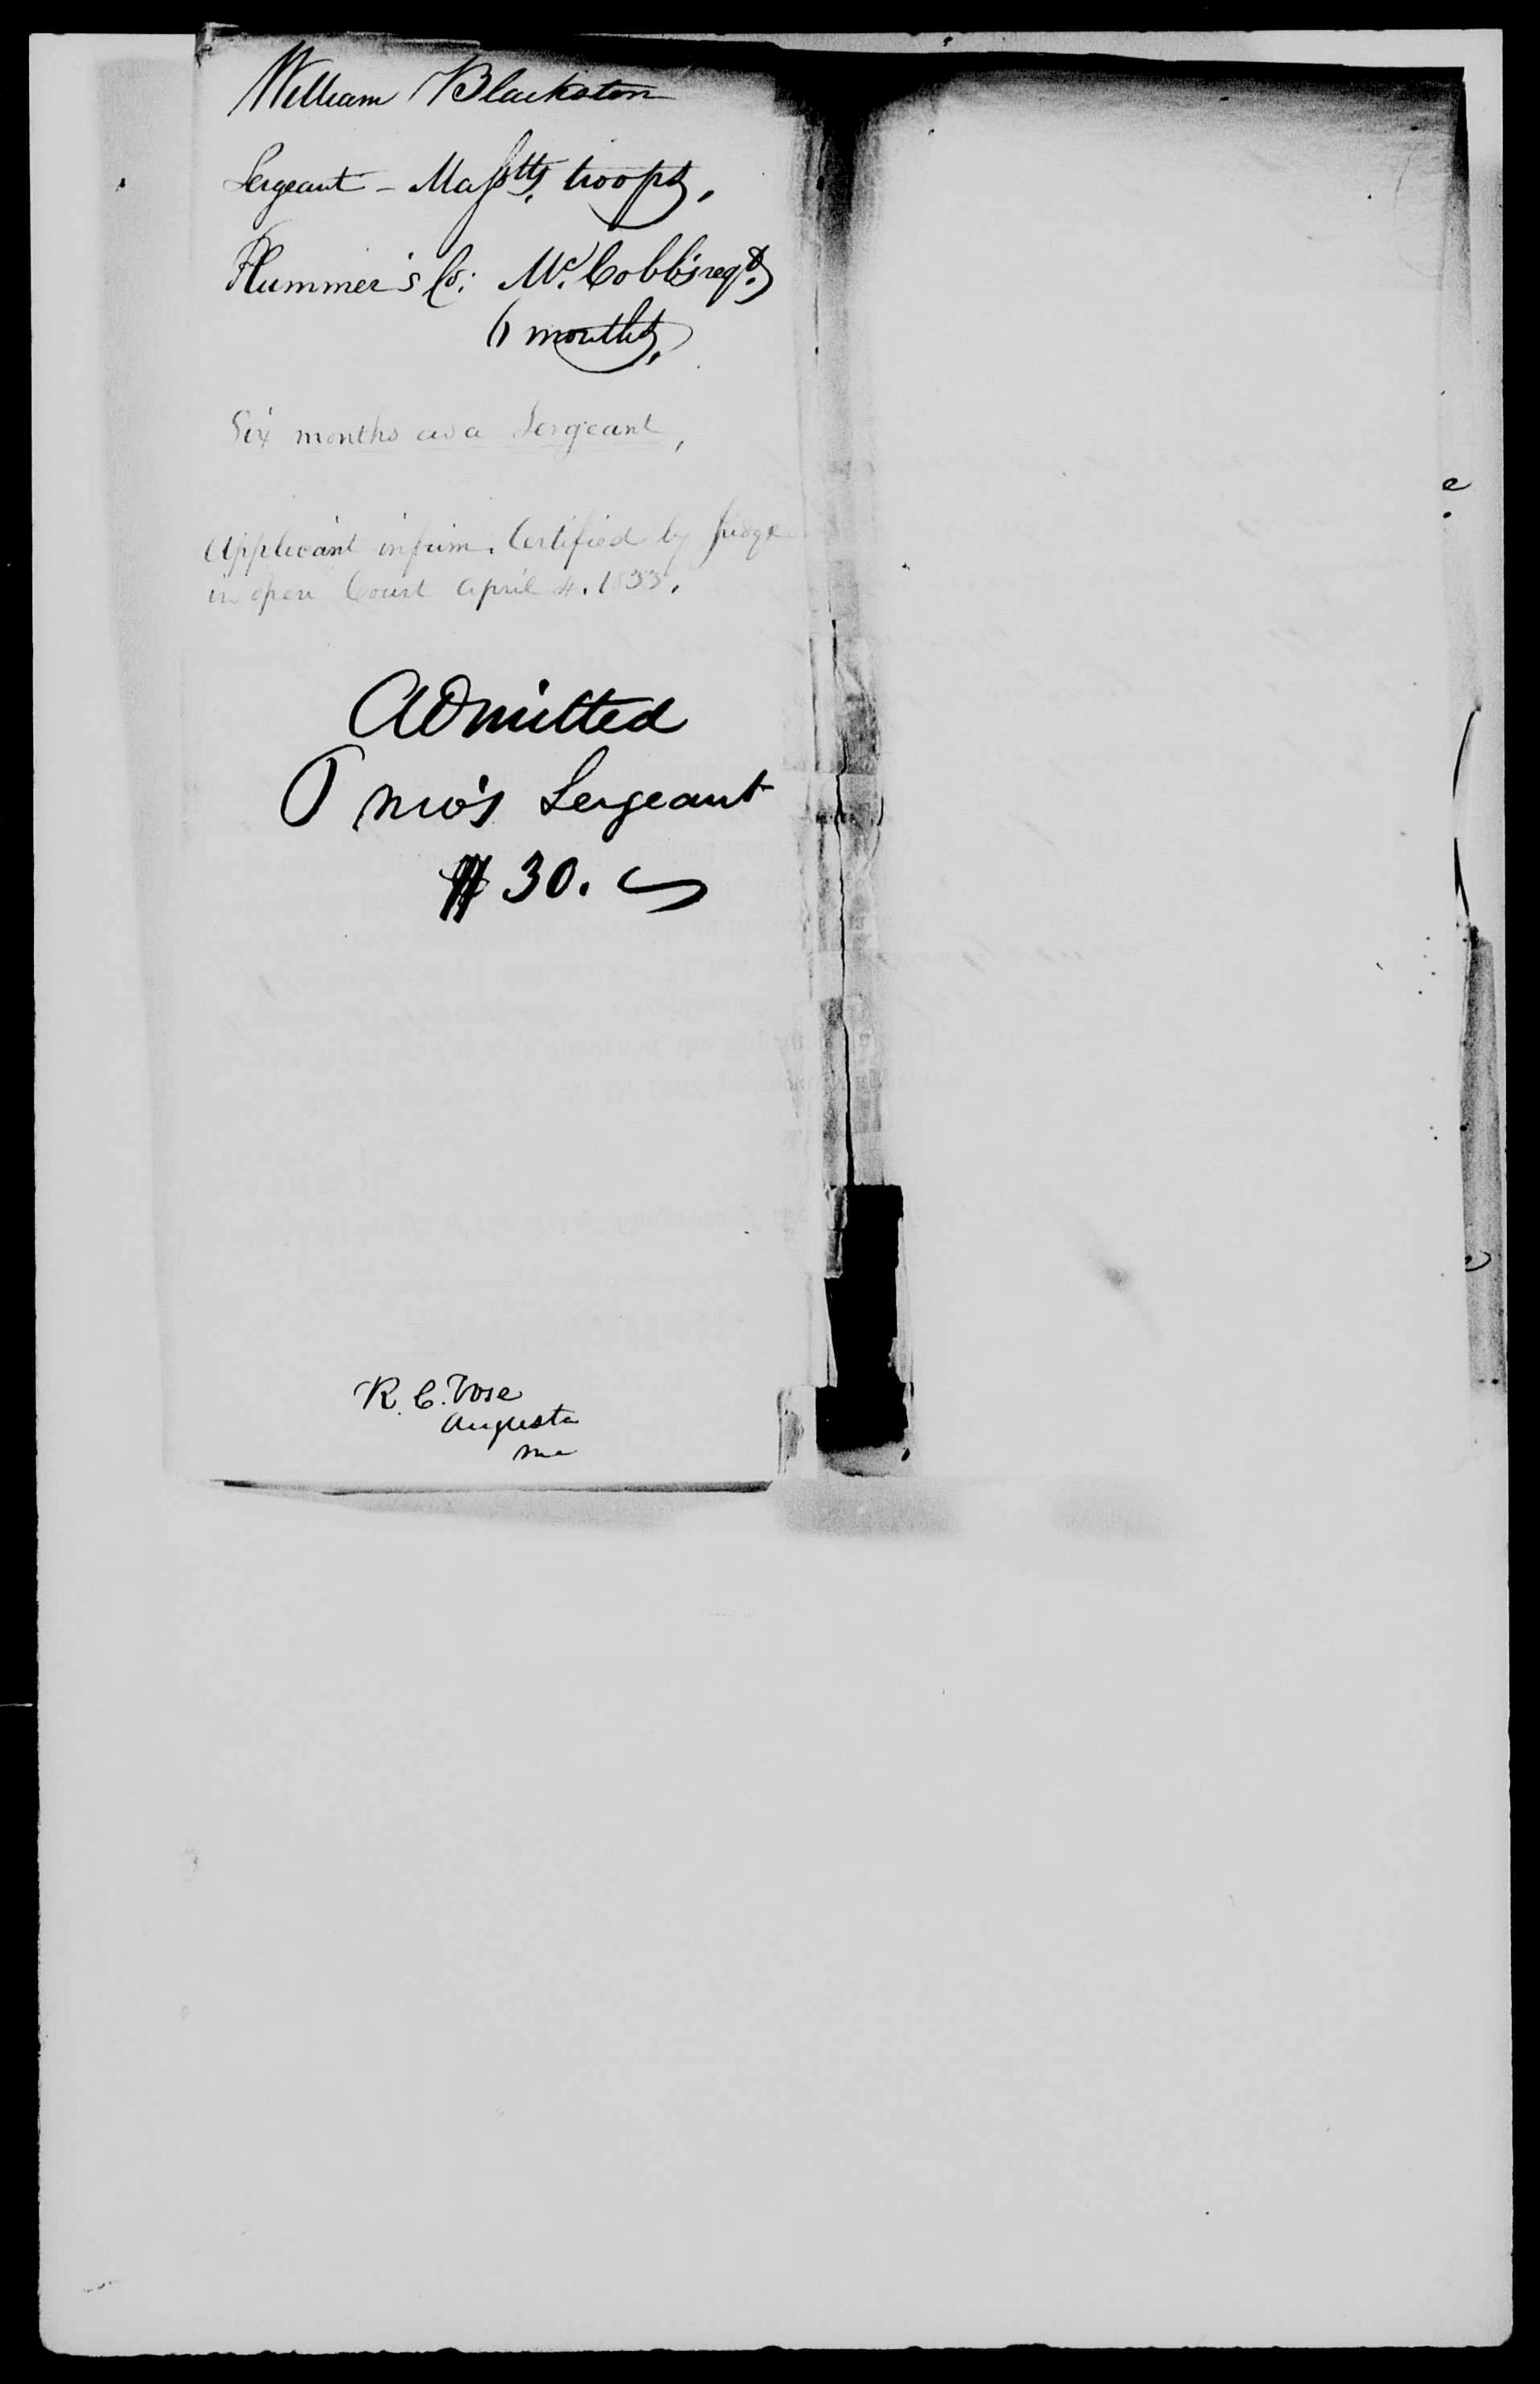William Blackston

Sergeant -- Masstts. troops.

Plummer's Co: McCobb's regt.
6 months.

Six months as a Sergeant,

Applicant inform. Certified by Judge
in open Court April 4. 1833

Admitted
6 mo's Sergeant
$30.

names: William Blackston, R C Vose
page: 3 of 14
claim: survivor's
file: S. 30,869, William Blackston, Mass.